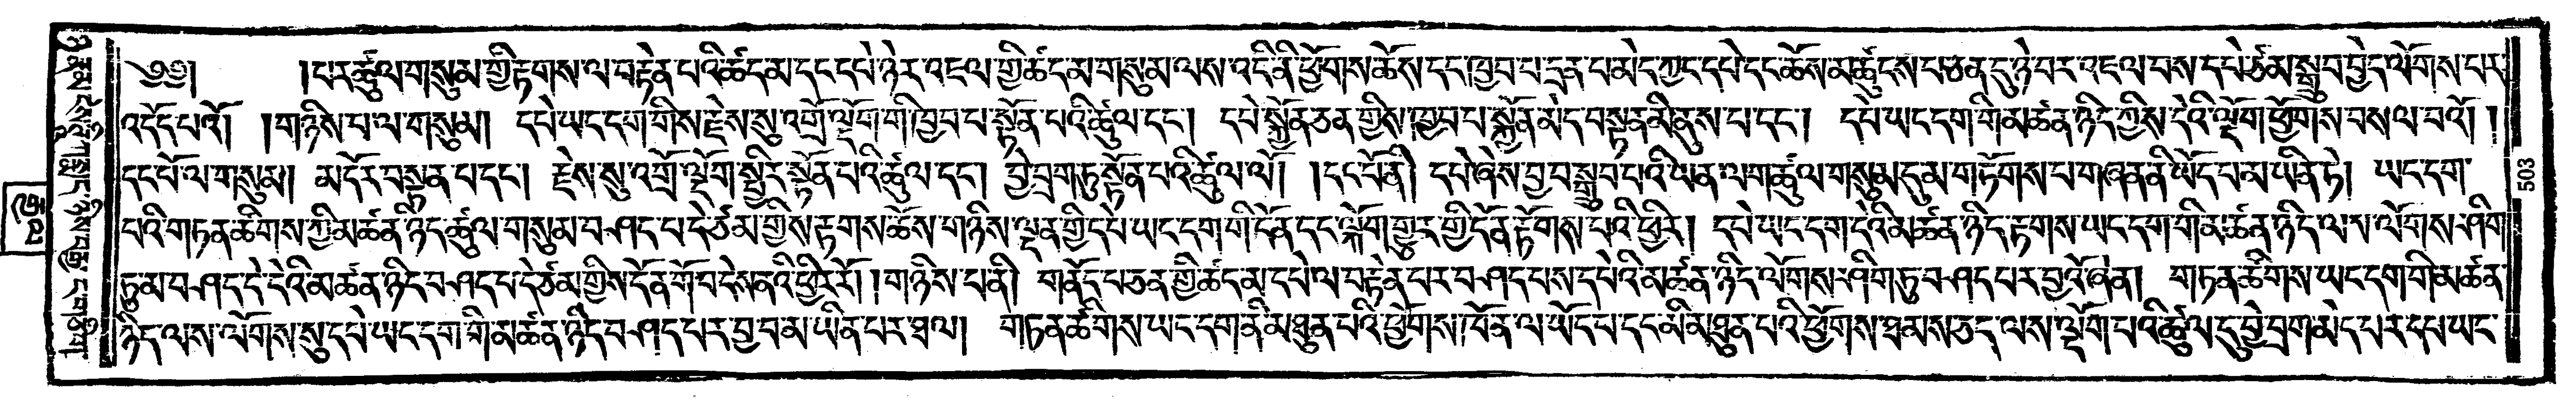༄༅། །པར་ཚུལ་གསུམ་གྱི་རྟགས་ལ་བརྟེན་པའི་ཚད་མ་དང་དཔེ་ཉེར་འཇལ་གྱི་ཚད་མ་གསུམ་ལས་འདི་ནི་ཕྱོགས་ཆོས་དང་ཁྱབ་པ་དྲན་པ་མེད་ཀྱང་དཔེ་དང་ཆོས་མཚུངས་པ་ཅན་དུ་ཉེ་བར་འཇལ་པས་དཔེ་ཙམ་སྒྲུབ་བྱེད་ལོགས་པར་
འདོད་པའོ། །གཉིས་པ་ལ་གསུམ། དཔེ་ཡང་དག་གིས་རྗེས་སུ་འགྲོ་ལྡོག་གི་ཁྱབ་པ་སྟོན་པའི་ཚུལ་དང་། དཔེ་སྐྱོན་ཅན་གྱིས་ཁྱབ་པ་སྐྱོན་མེད་བསྟན་མི་ནུས་པ་དང་། དཔེ་ཡང་དག་གི་མཚན་ཉིད་ཀྱིས་དེའི་ལྡོག་ཕྱོགས་བསལ་བའོ། །
དང་པོ་ལ་གསུམ། མདོར་བསྟན་པ་དང་། རྗེས་སུ་འགྲོ་ལྡོག་སྤྱིར་སྟོན་པའི་ཚུལ་དང་། བྱེ་བྲག་ཏུ་སྟོན་པའི་ཚུལ་ལོ། །དང་པོ་ནི། དཔེ་ཞེས་བྱ་བ་སྒྲུབ་པའི་ཡན་ལག་ཚུལ་གསུམ་དུ་མ་གཏོགས་པ་གཞན་ནི་ཡོད་པ་མ་ཡིན་ཏེ། ཡང་དག་
པའི་གཏན་ཚིགས་ཀྱི་མཚན་ཉིད་ཚུལ་གསུམ་བཤད་པ་དེ་ཙམ་གྱིས་རྟགས་ཆོས་གཉིས་ལྡན་གྱི་དཔེ་ཡང་དག་གི་དོན་དང་ལྐོག་གྱུར་གྱི་དོན་རྟོགས་པའི་ཕྱིར། དཔེ་ཡང་དག་དེའི་མཚན་ཉིད་རྟགས་ཡང་དག་གི་མཚན་ཉིད་ལས་ལོགས་ཤིག་
ཏུ་མ་བཤད་དེ་དེའི་མཚན་ཉིད་བཤད་པ་དེ་ཙམ་གྱིས་དོན་གོ་བ་ངེས་ནའི་ཕྱིར་རོ། །གཉིས་པ་ནི། གནོད་པ་ཅན་གྱི་ཚད་མ་དཔེ་ལ་བརྟེན་པར་བཤད་པས་དཔེའི་མཚན་ཉིད་ལོགས་ཤིག་ཏུ་བཤད་པར་བྱའོ་ཞེ་ན། གཏན་ཚིགས་ཡང་དག་གི་མཚན་
ཉིད་ལས་ལོགས་སུ་དཔེ་ཡང་དག་གི་མཚན་ཉིད་བཤད་པར་བྱ་བ་མ་ཡིན་པར་ཐལ། གཏན་ཚིགས་ཡང་དག་ནི་མཐུན་པའི་ཕྱོགས་ཁོ་ན་ལ་ཡོད་པ་དང་མི་མཐུན་པའི་ཕྱོགས་ཐམས་ཅད་ལས་ལྡོག་པའི་ཚུལ་དུ་བྱེ་བྲག་མེད་པར་དཔེ་ཡང་